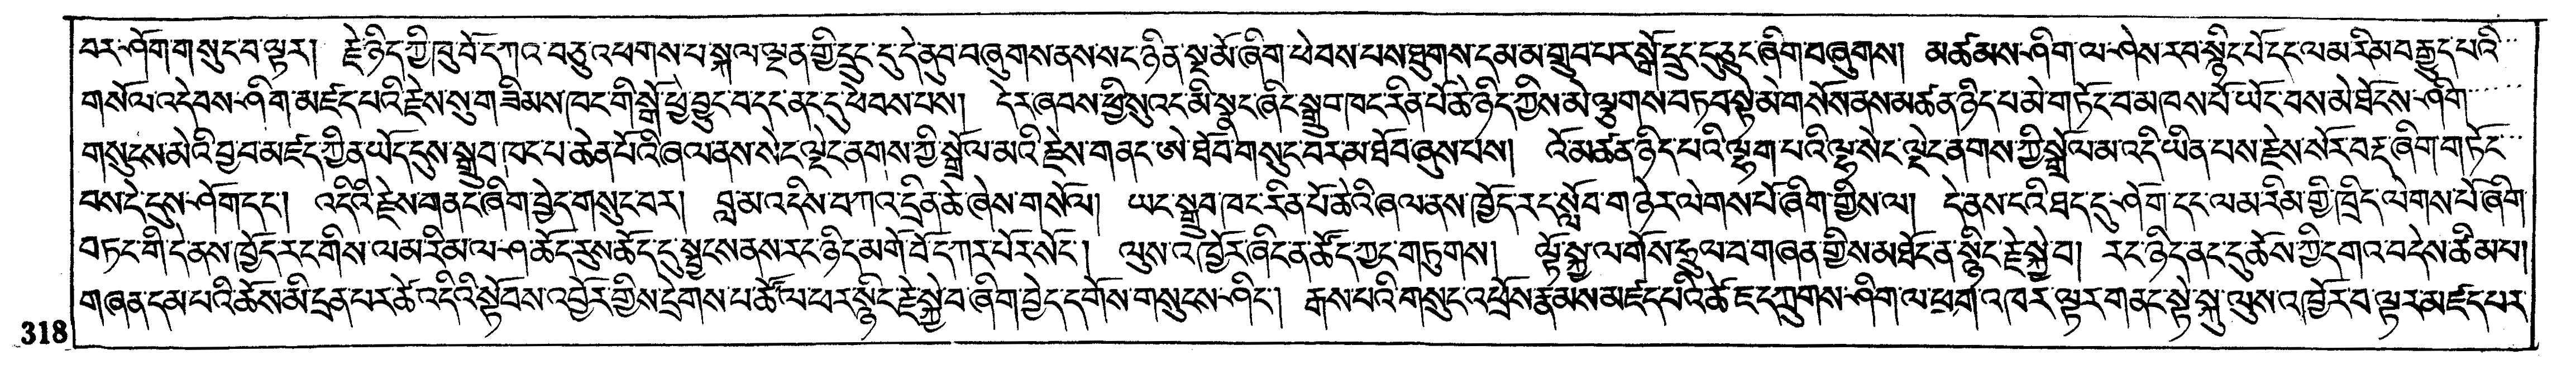བར་ཤོག་གསུང་བལྟར། རྗེ་ཉིད་ཀྱི་ཁུ་བོ་དཀའ་བཅུ་འཕགས་པ་སྐལ་ལྡན་གྱི་དྲུང་དུ་དེ་ནུབ་བཞུགས་ནས་སང་ཉིན་སྔ་མོ་ཞིག་ཕེབས་པས་ཐུགས་དམ་མ་གྲུབ་པར་སྒོ་དྲུང་དུ་ཅུང་ཞིག་བཞུགས། མཚམས་ཤིག་ལ་ཤེས་རབ་སྙིང་པོ་དང་ལམ་རིམ་བརྒྱུད་པའི་
གསོལ་འདེབས་ཤིག་མཛད་པའི་རྗེས་སུ་གཟིམས་ཁང་གི་སྒོ་ཕྱེ་བྱུང་བ་དང་ནང་དུ་ཕེབས་པས། དེར་ཞབས་ཕྱི་སུའང་མི་སྣང་ཞིང་སྒྲུབ་ཁང་རིན་པོ་ཆེ་ཉིད་ཀྱིས་མེ་ལྕགས་བཏབ་སྟེ་མེ་གསོས་ནས་མཆན་ཉིད་པ་མེ་གཏོང་བ་མཁས་པོ་ཡོང་བས་མེ་ཐོངས་ཤིག་
གསུངས་མེའི་བྱ་བ་མཛད་ཀྱིན་ཡོད་དུས་སྒྲུབ་ཁང་པ་ཆེན་པོའི་ཞལ་ནས་སེང་ལྡེང་ནགས་ཀྱི་སྒྲོལ་མའི་རྗེས་གནང་ཨེ་ཐོབ་གསུང་བར་མཐོབ་ཞུས་པས། འོ་མཚན་ཉིད་པའི་ལྷག་པའི་ལྷ་སེང་ལྡེང་ནགས་ཀྱི་སྒྲོལ་མ་འདི་ཡིན་པས་རྗེས་སོར་བརྡ་ཞིག་གཏོང་
བས་དེ་དུས་ཤོག་དང་། འདིའི་རྗེས་གནང་ཞིག་བྱེད་གསུང་བར། བླ་མ་འདིས་བཀའ་དྲིན་ཆེ་ཞེས་གསོལ། ཡང་སྒྲུབ་ཁང་རིན་པོ་ཆེའི་ཞལ་ནས་ཁྱོད་རང་སློབ་གཉེར་ལེགས་པོ་ཞིག་གྱིས་ལ། དེ་ནས་དའི་ཐད་དུ་ཤོག་དང་ལམ་རིམ་གྱི་ཁྲིད་ལེགས་པོ་ཞིག་
བཏང་གི་དེ་ནས་ཁྱོད་རང་གིས་ལམ་རིམ་ལ་ཤ་ཆོད་རུས་ཆོད་དུ་སྦྱངས་ནས་རང་ཉིད་མགོ་བོ་དཀར་པོར་སོང་། ལུས་འཁྱོར་ཞིང་ན་ཚོད་ཀྱང་གཏུགས། ལྟོ་སྐྱལ་གོས་ཧྲུལ་བ་གཞན་གྱིས་མཐོང་ན་སྙིང་རྗེ་སྐྱེ་བ། རང་ཉིད་ནང་དུ་ཆོས་ཀྱི་དགའ་བ་དེས་ཚིམ་པ།
གཞན་དམ་པའི་ཆོས་མི་དྲན་པར་ཚེ་འདིའི་སྟོབས་འབྱོར་གྱིས་དྲེགས་པ་ཚོལ་ཕར་སྙིང་རྗེ་སྐྱེ་བ་ཞིག་བྱེད་དགོས་གསུངས་ཤིང་། རྒས་པའི་གསུང་འཕྲོས་རྣམས་མཛད་པའི་ཚེ་ཇ་དཀྲུགས་ཤིག་ལ་ཕྱག་འཁར་ལྟར་གནང་སྟེ་སྐུ་ལུས་འཁྱོར་བ་ལྟར་མཛད་པར་